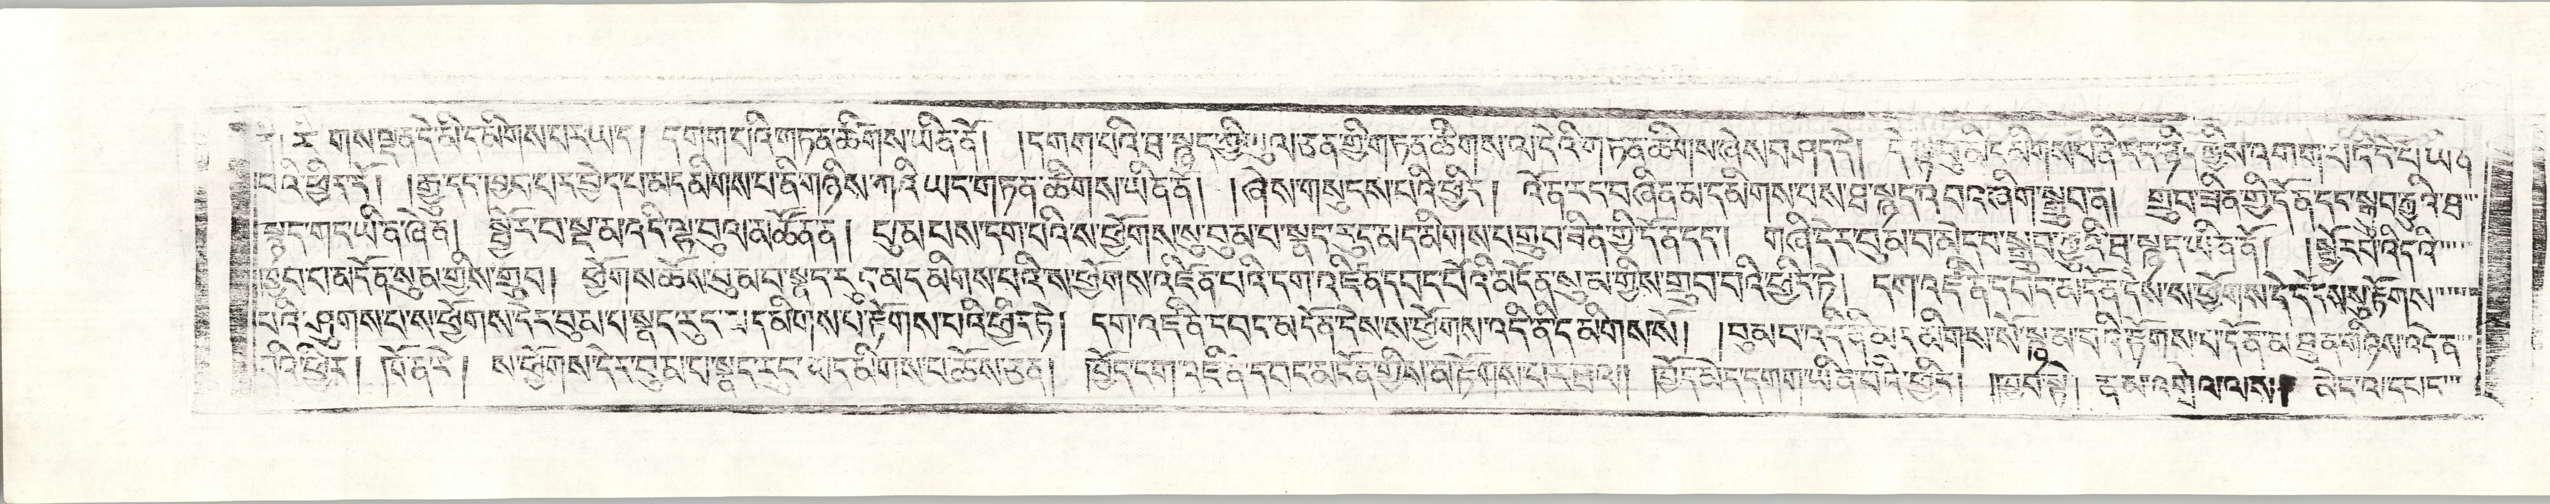ནི། རིགས་ལྡན་དེ་མི་དམིགས་པར་ཡང་། དགག་པའི་གཏན་ཚིགས་ཡིན་ནོ། །དགག་པའི་ཐ་སྙད་ཀྱི་ཡུལ་ཅན་གྱི་གཏན་ཚིགས་ལ་དེའི་གཏན་ཚིགས་ཞེས་བཤད་དེ། དེ་ལྟ་བུ་མི་དམིགས་པ་ནི་རང་ཉིད་ཀྱིས་འགོག་པའི་ངོ་བོ་ཡིན་
པའི་ཕྱིར་རོ། །རྒྱུ་དང་ཁྱབ་པར་བྱེད་པ་མ་དམིགས་པ་ནི་གཉིས་ཀའི་ཡང་གཏན་ཚིགས་ཡིན་ནོ། །ཞེས་གསུངས་པའི་ཕྱིར། འོ་ན་རང་བཞིན་མ་དམིགས་པས་ཐ་སྙད་འབའ་ཞིག་སྒྲུབ་ན། གྲུབ་ཟིན་གྱི་དོན་དང་སྒྲུབ་རྒྱུའི་ཐ་
སྙད་གང་ཡིན་ཞེན། སྦྱོར་བ་སྔ་མ་འདི་ལྟ་བུ་ལ་མཚོན་ན། བུམ་པས་དག་པའི་ས་ཕྱོགས་སུ་བུམ་པ་སྣང་རུང་མ་དམིགས་པ་གྲུབ་ཟིན་གྱི་དོན་དང་།གཞི་དེར་བུམ་པ་མེད་པ་སྒྲུབ་རྒྱུའི་ཐ་སྙད་ཡིན་ནོ། །སྦྱོར་བ་དེའི་
ཁྱབ་པ་མངོན་སུམ་གྱིས་གྲུབ། ཕྱོགས་ཆོས་བུམ་པ་སྣང་རུང་མ་དམིགས་པའི་ས་ཕྱོགས་འཛིན་པའི་དག་འཛིན་དབང་བོའི་མངོན་སུམ་གྱིས་གྲུབ་པའི་ཕྱིར་ཏེ། དག་འཛིན་དབང་མངོན་དེས་ས་ཕྱོགས་དེ་དངོས་སུ་རྟོགས་
པའི་ཤུགས་ལ་ས་ཕྱོགས་དེར་བུམ་པ་སྣང་རུང་མ་དམིགས་པ་རྟོགས་པའི་ཕྱིར་ཏེ། དག་འཛིན་དབང་མངོན་དེས་ས་ཕྱོགས་འདི་ནི་དམིགས་སོ། །བུམ་པ་འདི་ནི་མ་དམིགས་སོ་སྙམ་པའི་རྟོགས་པ་དོན་མཐུན་གཉིས་འདྲེན་
པའི་ཕྱིར། ཁོ་ན་རེ། ས་ཕྱོགས་དེར་བུམ་པ་སྣང་རུང་མ་དམིགས་པ་ཆོས་ཅན། ཁྱོད་དག་འཛིན་དབང་མངོན་གྱིས་མ་རྟོགས་པར་ཐལ། ཁྱོད་མེད་དགག་ཡིན་པའི་ཕྱིར། ཁྱབ་སྟེ། རྣམ་འགྲེལ་ལས། མེད་ལ་དབང་